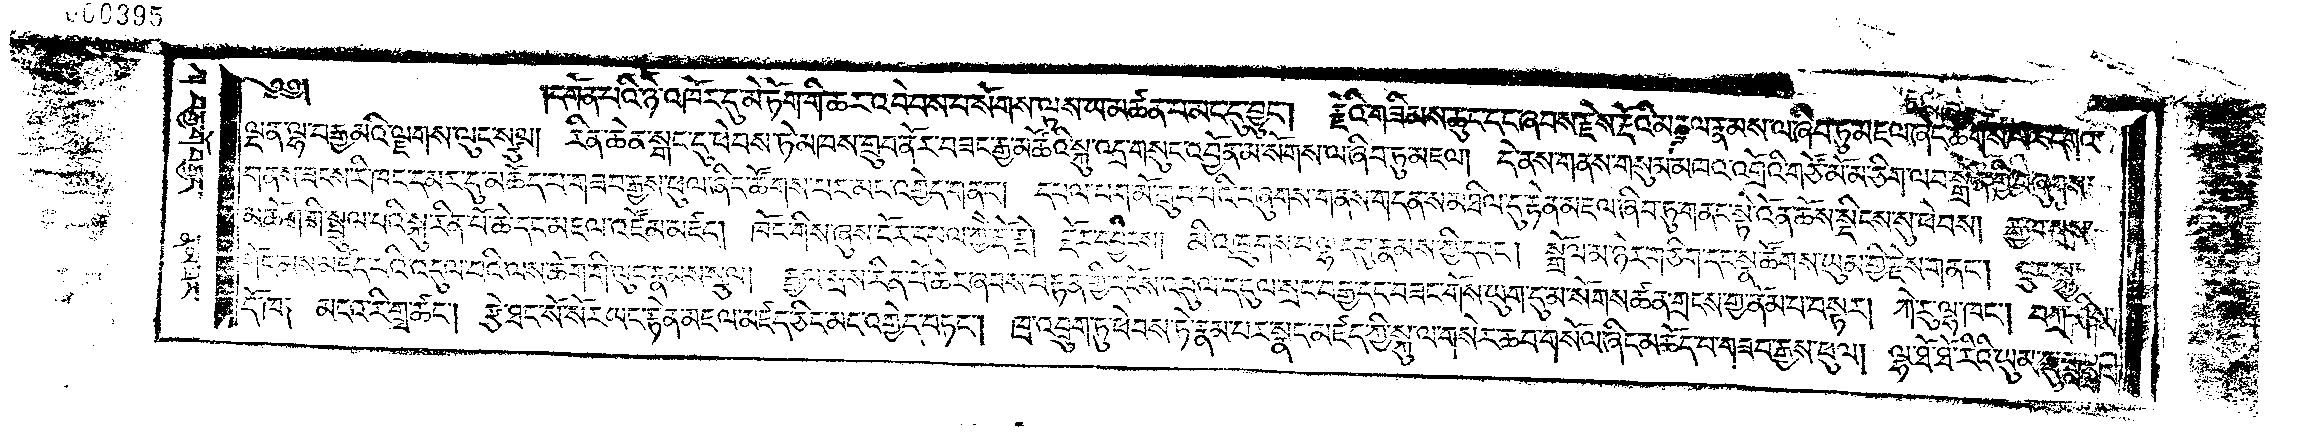༄༅། །དགོན་པའི་ཉེ་འཁོར་དུ་མེ་ཏོག་གི་ཆར་འབེབས་པ་སོགས་ལྟས་ཡ་མཚན་པ་མང་དུ་བྱུང་། རྗེའི་གཟིམས་ཆུང་དང་ཞབས་རྗེས་རྡོའི་མཎྜལ་རྣམས་ལ་ཞིབ་ཏུ་མཇལ་ཞིང་ཚོགས་པར་དགའ་
ལྡན་ལྷ་བརྒྱ་མའི་ལྗགས་ལུང་སྩལ། རིན་ཆེན་སྒང་དུ་ཕེབས་ཏེ་མཁས་གྲུབ་ནོར་བཟང་རྒྱ་མཚོའི་སྐུ་འདྲ་གསུང་འབྱོན་མ་སོགས་ལ་ཞིབ་ཏུ་མཇལ། དེ་ནས་གནས་གསུམ་མཁའ་འགྲོའི་གཙོ་མོ་མ་ཅིག་ལབ་སྒྲོན་གྱི་བཞུགས་
གནས་ཟངས་རི་ཁང་དམར་དུ་མཆོད་པ་གཟབ་རྒྱས་ཕུལ་ཞིང་ཚོགས་པར་མང་འགྱེད་གནང་། དཔལ་ཕག་མོ་གྲུབ་པའི་བཞུགས་གནས་གདན་ས་མཐིལ་དུ་རྟེན་མཇལ་ཞིབ་ཏུ་གནང་སྟེ་འོན་ཆོས་སྡིངས་སུ་ཕེབས། རྒྱལ་སྲས་
མཆོག་གི་སྤྲུལ་པའི་སྐུ་རིན་པོ་ཆེ་དང་མཇལ་འཛོམ་མཛད། ཁོང་གིས་ཞུས་ངོར་དཔལ་ཀྱཻ་རྡོ་རྗེ། རྡོར་དབྱིངས། མི་འཁྲུགས་པ་ལྷ་དགུ་རྣམས་ཀྱི་དབང་། སྒྲོལ་མ་ཉེར་གཅིག་དང་སྣ་ཚོགས་ཡུམ་གྱི་རྗེས་གནང་། ལྕང་སྐྱ་
གོང་མས་མཛད་པའི་འདུལ་བའི་ལས་ཆོག་གི་ལུང་རྣམས་ཙལ། རྒྱལ་སྲས་རིན་པོ་ཆེར་ཞབས་བརྟན་གྱི་དངོས་འབུལ་དངུལ་སྲང་བརྒྱ་དང་བཟང་གོས་ཡུག་དུ་མ་སོགས་ཚན་གྲངས་གྱ་ནོམ་པ་བསྟར། ཀེ་རུ་ལྷ་ཁང་། བཀྲ་ཤིས་
དོ་ཁ༑ མངའ་རི་གྲྭ་ཚང་། རྩེ་ཐང་སོ་སོར་ཡང་རྟེན་མཇལ་མཛད་ཅིང་མང་འགྱེད་བཏང་། ཁྲ་འབྲུག་ཏུ་ཕེབས་ཏེ་རྣམ་པར་སྣང་མཛད་ཀྱི་སྐུ་ལ་གསེར་ཆབ་གསོལ་ཞིང་མཆོད་པ་གཟབ་རྒྱས་ཕུལ། ལྷ་ཐོ་ཐོ་རིའི་ཡུམ་བུ་བླ་སྒང་